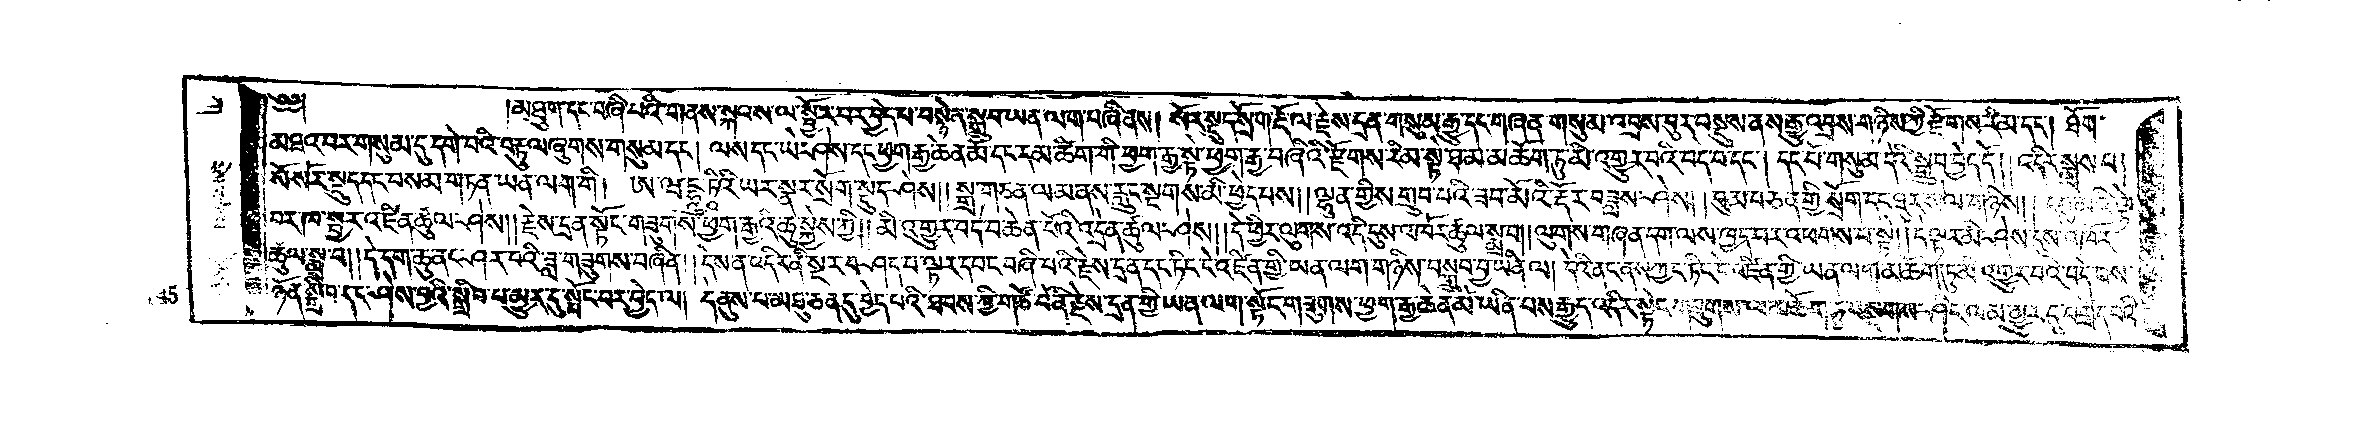༄༅། །མཐུག་དང་བཞི་པའི་གནས་སྐབས་ལ་སྦྱོར་བར་བྱེད་པ་བསྙེན་སྒྲུབ་ཡན་ལག་བཞི་ནས། སོར་སྡུད་སྲོག་རྡོ་ལ་རྗེས་དྲན་གསུམ་རྒྱུ་དང་གཞན་གསུམ་འབྲས་བུར་བསྡུས་ནས་རྒྱུ་འབྲས་གཉིས་ཀྱི་རྫོགས་རིམ་དང་། ཐོག་
མཐའ་བར་གསུམ་དུ་དགེ་བའི་བརྟུལ་ཞུགས་གསུམ་དང་། ལས་དང་ཡེ་ཤེས་དང་ཕྱག་རྒྱ་ཆེན་མོ་དང་དམ་ཚིག་གི་ཕྱག་རྒྱ་སྟེ་ཕྱག་རྒྱ་བཞིའི་རྫོགས་རིམ་སྟེ་ཐ་མ་མཆོག་ཏུ་མི་འགྱུར་བའི་བདེ་བ་དང་། དང་པོ་གསུམ་དེའི་སྒྲུབ་བྱེད་དོ། །འདིར་སྨྲས་པ།
སོ་སོར་སྡུད་དང་བསམ་གཏན་ཡན་ལག་གི། ཨ་ཝ་དྷཱ་ཏཱིའི་ཡར་སྣར་སྲོག་སྡུད་ཤེས། །སྒྲ་གཅན་ལམ་ནས་རླུང་སྔགས་མི་ཕྱེད་པས། །ལྷུན་གྱིས་གྲུབ་པའི་ཟབ་མོའི་རྡོར་བཟླས་ཤེས། །བུམ་པ་ཅན་གྱི་སྲོག་དང་ཐུར་སེལ་གཉིས། །དབུ་མའི་ལྟེ་
བར་ཁ་སྦྱར་འཛིན་ཚུལ་ཤེས། །རྗེས་དྲན་སྟོང་གཟུགས་ཕྱག་རྒྱའི་ཆུ་སྐྱེས་ཀྱི། །མི་འགྱུར་བདེ་བ་ཆེན་པོའི་འདྲེན་ཚུལ་ཤེས། །དེ་ཕྱིར་ལུགས་འདི་དུས་འཁོར་ཚུལ་སྨྲ་བ། །ལུགས་གཞན་དག་ལས་ཁྱད་པར་འཕགས་པ་སྟེ། །དེ་ལྟར་མི་ཤེས་དུས་འཁོར་
ཚུལ་སྨྲ་བ། །དེ་དག་ཆུ་ནང་ཤར་བའི་ཟླ་གཟུགས་བཞིན། །དེས་ན་འདིར་ནི་སྔར་བཤད་པ་ལྟར་དབང་བཞི་པའི་རྗེས་དྲན་དང་ཏིང་ངེ་འཛིན་གྱི་ཡན་ལག་གཉིས་བསྒྲུབ་བྱ་ཡིན་ལ། དེའི་ནང་ནས་ཀྱང་ཏིང་ངེ་འཛིན་གྱི་ཡན་ལག་མཆོག་ཏུ་མི་འགྱུར་བའི་བདེ་བས་
ཉོན་སྒྲིབ་དང་ཤེས་བྱའི་སྒྲིབ་པ་མྱུར་དུ་སྤོང་བར་བྱེད་ལ། དེ་ནུས་པ་མཐུ་ཅན་དུ་བྱེད་པའི་ཐབས་ཀྱི་གཙོ་བོ་ནི་རྗེས་དྲན་གྱི་ཡན་ལག་སྟོང་གཟུགས་ཕྱག་རྒྱ་ཆེན་མོ་ཡིན་པས་རྒྱུད་འདིར་སྟེང་གཟུགས་ལ་མཆོག་ཏུ་བསྔགས་ཤིང་ལམ་མྱུར་དུ་བགྲེད་པའི་